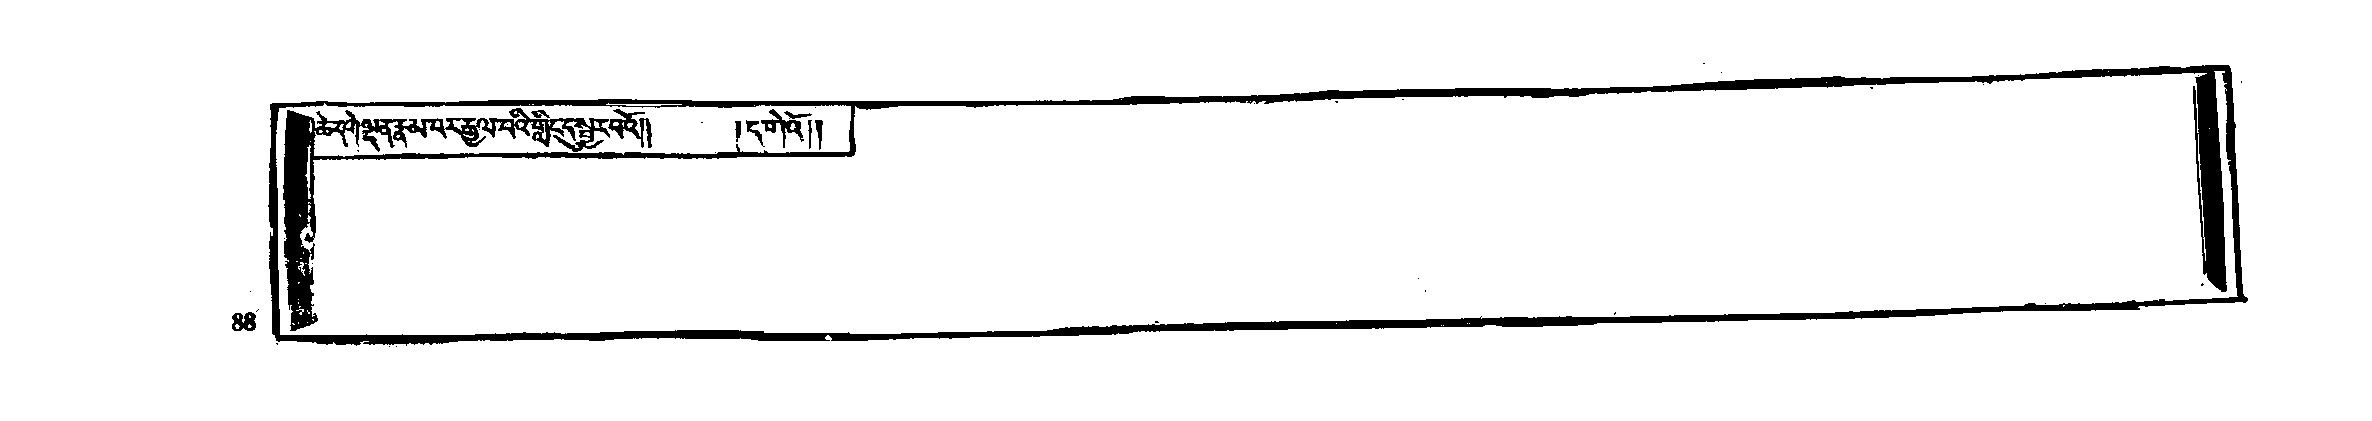ཆེ་དགེ་ལྡན་རྣམ་པར་རྒྱལ་བའི་གླིང་དུ་སྦྱར་བའོ། །དགེའོ། །